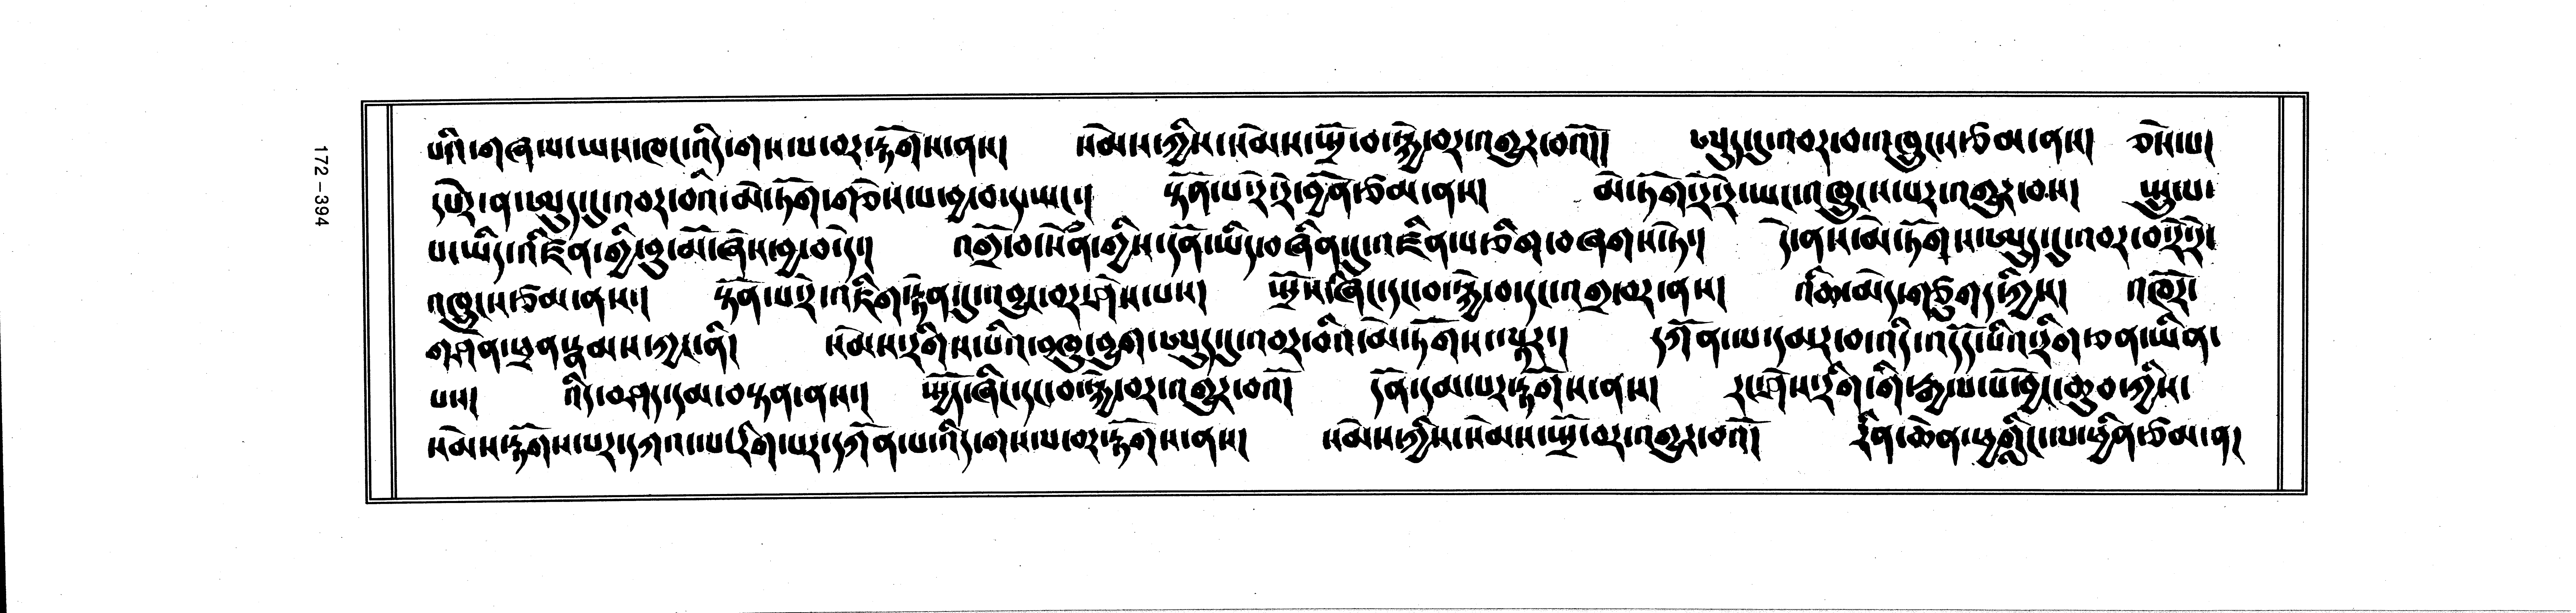པའི་གཞལ་ཡས་ཁང་འདི་གསལ་བར་རྟོགས་ནས། སེམས་ཀྱིས་སེམས་སྤྲོ་བ་སྐྱེ་བར་འགྱུར་བའོ། ཨུད་དུ་འབར་བ་འཁྲུངས་ཙམ་ནས། ཅེས་པ། 
དཔེར་ན་ཨུད་དུ་འབར་བའི་མེ་ཏོག་གཅེས་པ་བྱ་བ་དེ་ཡང་། སྟོན་པ་རེ་རེ་བྱོན་ཙམ་ནས། མེ་ཏོག་རེ་རེ་ཡང་འཁྲུངས་པར་འགྱུར་བས། སྤྲུལ་པ་
ཡིད་འཛིན་གྱི་བུ་མོ་ཞེས་བྱ་བ་དེ། འགྲོ་བ་སེམས་ཅན་གྱིས་དོན་ཡིད་བཞིན་དུ་འཛིན་པ་ཅིག་བཞགས་ཏེ། དེ་ནས་མེ་ཏོག་ཨུད་དུ་འབར་བ་རེ་རེ་
འཁྲུངས་ཙམ་ནས། སྟོན་པ་རེ་འཇིག་རྟེན་དུ་འབྱུང་བར་ཤེས་པས། སྤྲོ་ཞིང་དྭངས་བ་སྐྱེ་བ་དང་འདྲ་བར་ནས། འཆི་མེད་གཙུག་ཕུད་ཀྱིས། འཁོར་
གཤེན་ཕྲན་རྣམས་ཀྱང་ནི། སེམས་རིག་པའི་ཁུ་བྱུག་ཨུད་དུ་འབར་བའི་མེ་ཏོག་ལྟར། དཀོན་ལ་དམར་བ་འདི་འདོད་པའི་རིགས་ཅན་ཡིན་
པས། འདི་བཤད་དམ་བསྟན་ནས། སྤྲོ་ཞིང་དྭངས་བ་སྐྱེ་བར་འགྱུར་བའོ། དོན་དམ་པར་རྟོགས་ནས། རང་ཤེས་རིག་གི་རྒྱལ་པོ་བྱང་ཆུབ་ཀྱིས་
སེམས་རྟོགས་པར་དཀའ་ལ་རེག་པར་དཀོན་པ་འདི་གསལ་བར་རྟོགས་ནས། སེམས་ཀྱིས་སེམས་སྤྲོ་བར་འགྱུར་བའོ། རིན་ཆེན་གླིང་ལ་ཕྱིན་ཙམ་ན།